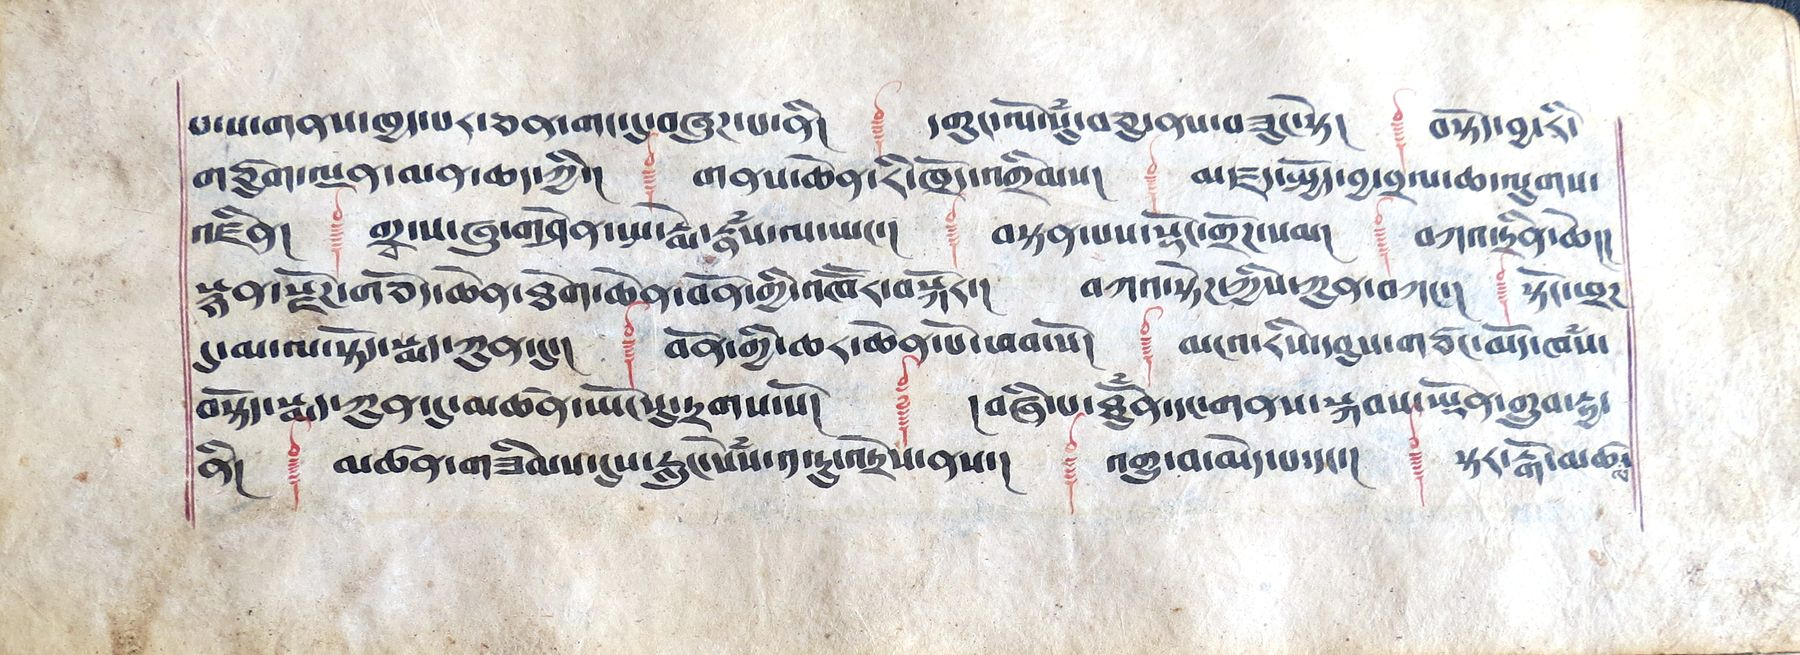པ་ས་གནས་ཁྱད་པར་ཅན་གང་དུ་བཞུགས་པ་ནི། དགུང་ལོ་སུམ་ཅུ་ནས་བཟུང་སྟེ། སྟོད་བྱ་རི་
གཙུག་ལྡན་མན་ཆོད་ཀྱི། གནས་ཆེན་རི་ཁྲོད་འགྲིམས། མཛད་སྤྱོད་བྱ་བྲལ་ཆ་ལུགས་
འཛིན། གྲྭ་ས་ཞུ་གཤེན་སྤ་རྨེའུ་རྣམས་ལ་ཡང་བསྟན་པའི་སྡོང་གྲོགས་སམ་བཀའ་དྲིན་ཆེ། 
སྙན་རྫོགས་གཅོད་ཆེན་ཐེག་ཆེན་བོན་གྱི་འཁོར་ལོ་བསྐོར། བཀའ་སྟེགས་ཀྱིས་རི་ལུང་བཀང་། སྟོང་ཕྲག་
དུ་མ་ལ་སྟོད་སྨད་ཀུན་ཏུ་བོན་གྱི་ཆར་ཆེན་པོ་ཕབས་སོ། ། མངའ་རིས་དབུས་གཙང་མདོ་ཁམས་
སྟོད་སྨད་ཀུན་ཏུ་མཚན་ཡོངས་སུ་གྲགས་སོ། ། བཞི་པ་ཐུན་མོང་དང་གནས་སྐབས་ཀྱི་ཡོན་ཏན་གྲུབ་རྟགས་
ནི། མཚན་མོ་གཟིམས་དུས་རླུང་སེམས་གཅིག་ཏུ་འདྲེས་ནས། འགྱུར་བ་མེད་པ་དང་། རྟ་སྒོ་མཚལ་